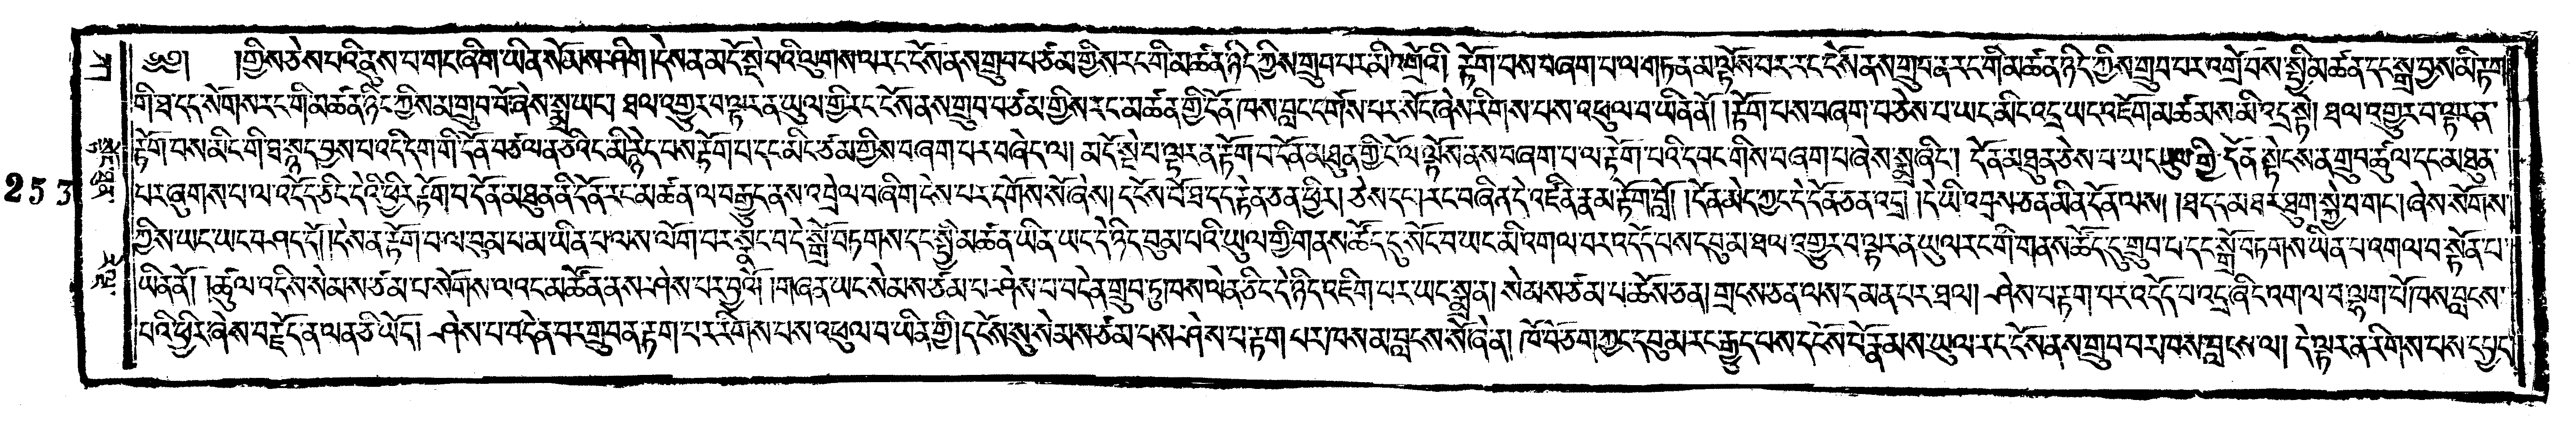༄༅། །གྱིས་ཅེས་པའི་ནུས་བ་གང་ཞིག་ཡིན་སོམས་ཤིག། དེས་ན་མདོ་སྡེ་བའི་ལུགས་ལ་རང་ངོས་ནས་གྲུབ་པ་ཙམ་གྱིས་རང་གི་མཚན་ཉིད་ཀྱིས་གྲུབ་པར་མི་འགྲོའི། རྟོག་པས་བཞག་པ་ལ་གཏན་མ་ལྟོས་བར་རང་ངོས་ནས་གྲུབ་ན་རང་གི་མཚན་ཉིད་ཀྱིས་གྲུབ་བར་འགྲོ་བས་སྤྱི་མཚན་དང་སྒྲ་བྱས་མི་རྟག་
གི་ཐ་དད་སོགས་རང་གི་མཚན་ཉིད་ཀྱིས་མ་གྲུབ་བོ་ཞེས་སྨྲ་ཡང་། ཐལ་འགྱུར་བ་ལྟར་ན་ཡུལ་གྱི་རང་ངོས་ནས་གྲུབ་བ་ཙམ་གྱིས་རང་མཚན་གྱི་དོན་ཁས་བླང་དགོས་པར་སོང་ཞེས་རིགས་པས་འཕུལ་བ་ཡིན་ནོ། །རྟོག་པས་བཞག་པ་ཅེས་པ་ཡང་མིང་འདྲ་ཡང་འཇོག་མཚམས་མི་འདྲ་སྟེ། ཐལ་འགྱུར་བ་ལྟར་ན་
རྟོག་བས་མིང་གི་ཐ་སྙད་བྱས་པ་འདི་དག་གི་དོན་བཙལ་ན་ཅིའང་མི་རྙེད་པས་རྟོག་པ་དང་མིང་ཙམ་གྱིས་བཞག་པར་བཞེད་ལ། མདོ་སྡེ་བ་ལྟར་ན་རྟོག་བ་དོན་མཐུན་གྱི་ངོ་ལ་ལྟོས་ནས་བཞག་པ་ལ་རྟོག་པའི་དབང་གིས་བཞག་པ་ཞེས་སྨྲ་ཞིང་། དོན་མཐུན་ཅེས་པ་ཡབ་ཡུལ་གྱི་དོན་སྟེངས་ན་གྲུབ་ཚུལ་དང་མཐུན་
པར་ཞུགས་པ་ལ་འདོད་ཅིང་དེའི་ཕྱིར་རྟོག་པ་དོན་མཐུན་ནི་དོན་རང་མཚན་ལ་བརྒྱུད་ནས་འབྲེལ་བཞིག་ངེས་པར་དགོས་སོ་ཞེས། དངོས་པོ་ཐ་དད་རྟེན་ཅན་ཕྱིར། ཅེས་དང་། རང་བཞིན་དེ་འཛིན་རྣམ་རྟོག་བློ། །དོན་མེད་ཀྱང་དེ་དོན་ཅན་འདྲ། །དེ་ཡི་འབྲས་ཅན་མིན་དོན་ལས། །ཐ་དད་མཐར་ཐུག་སྐྱེ་བ་གང་། ཞེས་སོགས་
ཀྱིས་ཡང་ཡང་བཤད་དོ། །དེས་ན་རྟོག་བ་ལ་བུམ་པ་མ་ཡིན་པ་ལས་ལོག་བར་སྣང་བ་དེ་སྒྲོ་བཏགས་དང་སྤྱི་མཚན་ཡིན་ཡང་དེ་ཉིད་བུམ་པའི་ཡུལ་གྱི་གནས་ཚོད་དུ་སོང་བ་ཡང་མི་འགལ་བར་འདོད་པས་དབུ་མ་ཐལ་འགྱུར་བ་ལྟར་ན་ཡུལ་རང་གི་གནས་ཚོད་དུ་གྲུབ་པ་དང་སྒྲོ་བཏགས་ཡིན་པ་འགལ་བ་སྟོན་པ་
ཡིན་ནོ། །ཚུལ་འདིས་སེམས་ཙམ་པ་སོགས་ལའང་མཚོན་ནས་ཤེས་པར་བྱའོ། །གཞན་ཡང་སེམས་ཙམ་པ་ཤེས་པ་བདེན་གྲུབ་ཏུ་ཁས་ལེན་ཅིང་དེ་ཉིད་འཇིག་པར་ཡང་སྨྲ་ན། སེམས་ཙམ་པ་ཆོས་ཅན། གྲངས་ན་ལས་དམན་པར་ཐལ། ཤེས་པ་རྟག་པར་འདོད་པ་འདྲ་ཞིང་འགལ་བ་ལྷག་པོ་ཁས་བླངས་
པའི་ཕྱིར་ཞེས་བརྗོད་ན་ལན་ཅི་ཡོད། ཤེས་པ་བདེན་པར་གྲུབ་ན་རྟག་པར་རིགས་པས་འཕུལ་བ་ཡིན་གྱི། དངོས་སུ་སེམས་ཙམ་བས་ཤེས་པ་རྟག་པར་ཁས་མ་བླངས་སོ་ཞེ་ན། ཁོ་བོ་ཅག་ཀྱང་དབུ་མ་རང་རྒྱུད་བས་དངོས་པོ་རྣམས་ཡུལ་རང་ངོས་ནས་གྲུབ་པར་ཁས་བླངས་ལ། དེ་ལྟར་ན་རིགས་པས་དཔྱད་